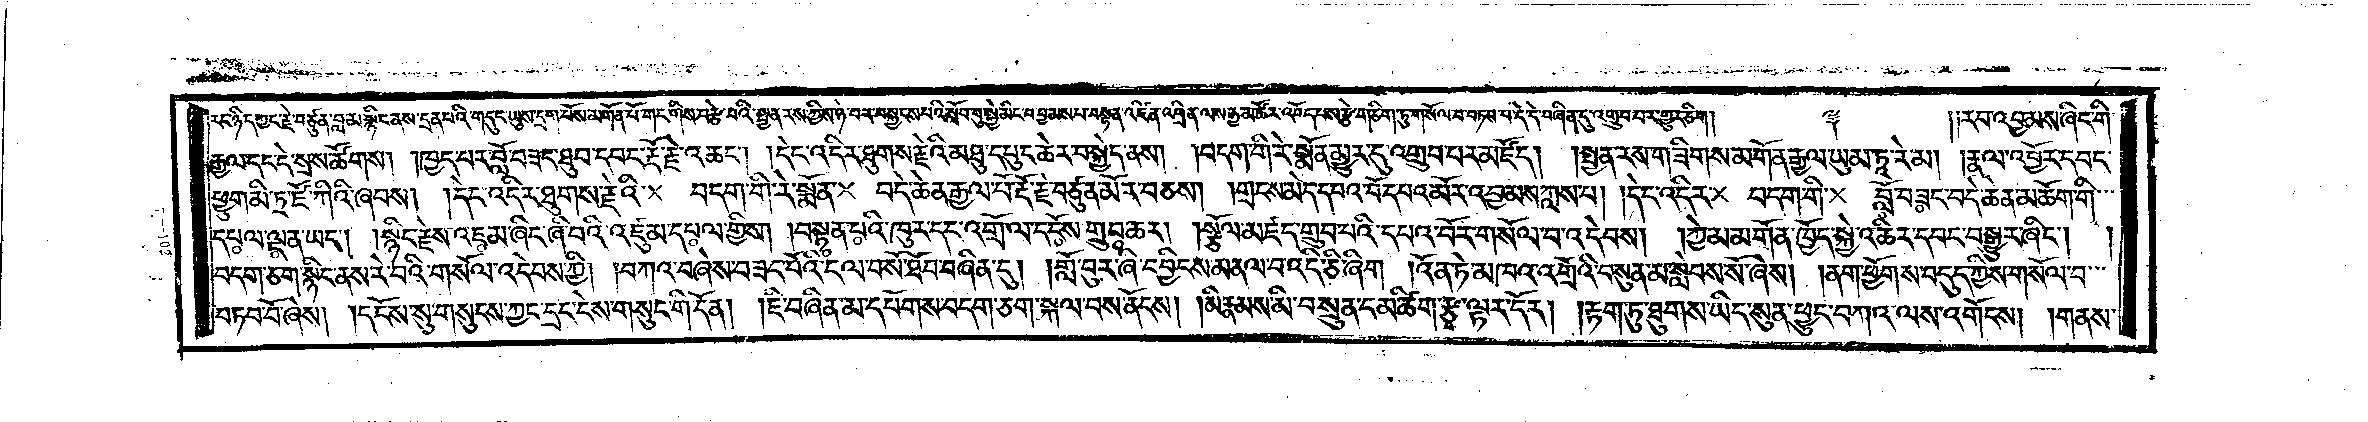རང་ཉིད་ཀྱང་རྗེ་བཙུན་བླ་མ་སྙིང་ནས་དྲན་པའི་གདུང་ཡུས་དྲག་པོས་མགོན་པོ་གང་གིས་བརྩེ་བའི་སྤྱན་རས་ཀྱིས་ཉེ་བར་བསྐྱངས་པའི་སློབ་བུ་སྐྱེ་ཡིང་བ་བྱམས་པ་བསྟན་འཛིན་འཕྲིན་ལས་རྒྱ་མཚོར་འབོད་པས་རྩེ་གཅིག་ཏུ་གསོལ་བ་བཏབ་བ་དེ་དེ་བཞིན་དུ་འགྲུབ་པར་གྱུར་ཅིག ། ༈ །།རབ་འབྱམས་ཞིང་གི་
རྒྱལ་དང་དེ་སྲས་ཚོགས། །ཁྱད་པར་བློ་བཟང་ཐུབ་དབང་རྡོ་རྗེ་འཆང་། །དེང་འདིར་ཐུགས་རྗེའི་མཐུ་དཔུང་ཆེར་བསྐྱེད་ནས། །བདག་གི་རེ་སྨོན་མྱུར་དུ་འགྲུབ་པར་མཛོད། །སྤྱན་རས་གཟིགས་མགོན་རྒྱལ་ཡུམ་ཏཱ་རེ་མ། །རྣལ་འབྱོར་དབང་
ཕྱུག་མི་ཏྲ་ཛོ་ཀིའི་ཞབས། །དེང་འདིར་ཐུགས་རྗེའི་྾་བདག་གི་རེ་སྨོན་྾་བདེ་ཆེན་རྒྱལ་པོ་རྡོ་རྗེ་བཙུན་མོར་བཅས། །གྲངས་མེད་དཔའ་བོ་དཔའ་མོར་འབྱམས་ཀླས་པ། །དེང་འདིར་྾་བདག་གི་྾་བློ྾་བཟང྾་བདེ་ཆེན་མཆོག་གི་
དཔལ྾་ལྡན྾་ཡང་། །སྙིང་རྗེས་འཇམ྾་ཞིང་ཞི་བའི་འཛུམ་དཔལ྾་གྱིས། །བསྟན྾་པའི྾་ཁུར་དང་འགྲོ་ལ་དངོས྾་གྲུབ྾་ཆར། །སྩོལ་མཛད་གྲུབ་པའི་དཔའ་བོར་གསོལ་བ་འདེབས། །ཀྱེ་མ་མགོན་ཁྱོད་སྐྱེ་འཆིར་དབང་བསྒྱུར་ཞིང་། །
བདག་ཅག་སྙིང་ནས་རེ་བའི་གསོལ་འདེབས་ཀྱི། །བཀའ་བཞེས་བཟང་བོའི་ངལ་བསོ་ཐོབ་བཞིན་དུ། །གློ་བུར་ཞི་དབྱིངས་མནལ་བ་འདི་ཅི་ཞིག །འོ་ན་ཏེ་མཁའ་འགྲོའི་བསུན་མ་སླེབས་སོ་ཞེས། །ནག་ཕྱོགས་བདུད་ཀྱིས་གསོལ་བ་
བཏབ་བོ་ཞེས། །དངོས་སུ་གསུངས་ཀྱང་དྲང་ངེས་གསུང་གི་དོན། །ཇི་བཞིན་མ་དཔོགས་བདག་ཅག་སྐལ་བས་ནོངས། །མི་རྣམས་མི་བསྲུན་དམ་ཚིག་རྩྭ་ལྟར་དོར། །རྟག་ཏུ་ཐུགས་ཡིད་སུན་ཕྱུང་བཀའ་ལས་འགོངས། །གནས་